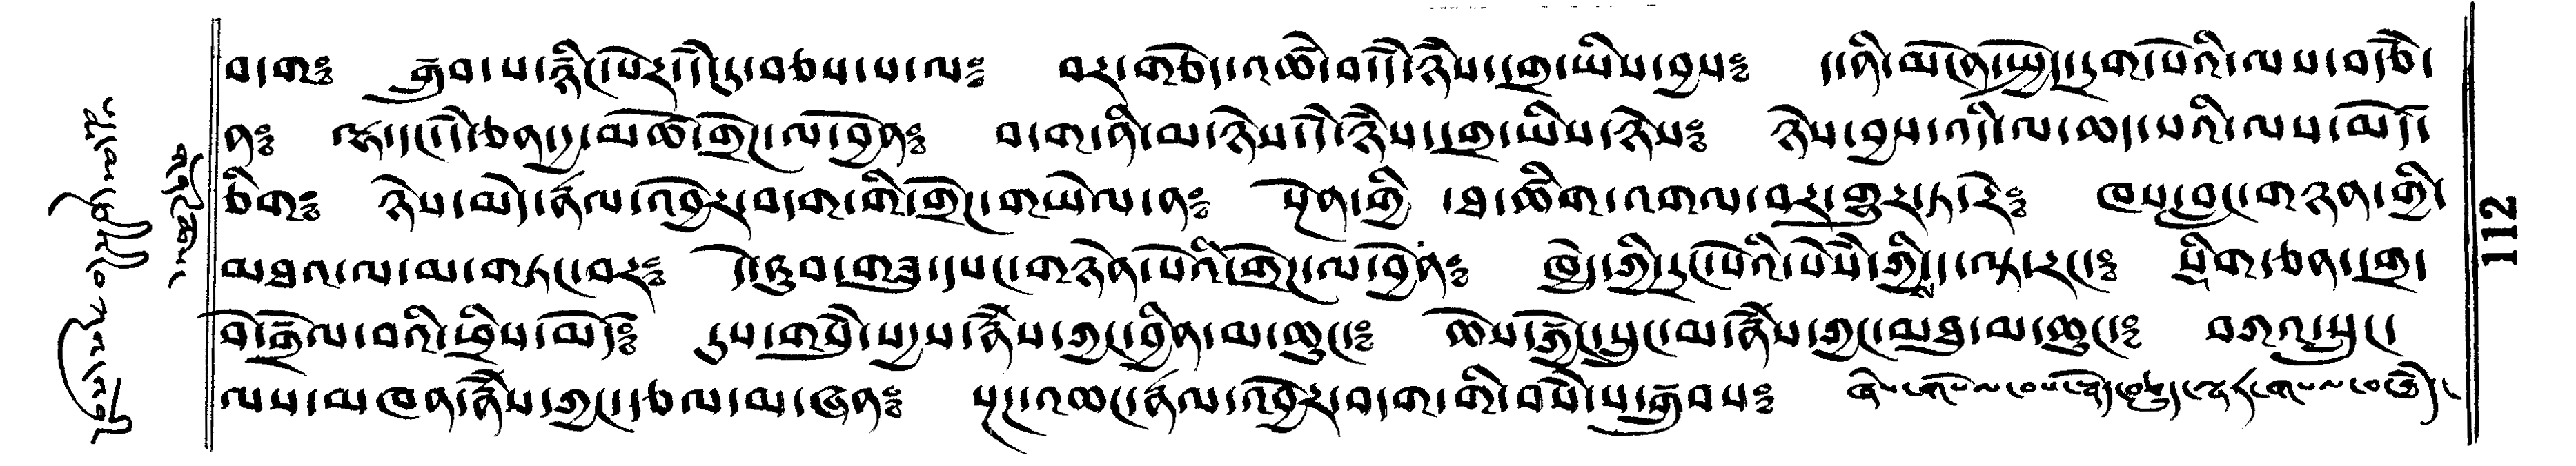བདག༔ སྒྲུབ་པ་སྙིང་པོར་དམ་དུ་བཅས་པ་ལ༔ བར་གཅོད་འཚེ་བ་དམ་ཉམས་དགྲ་ཡིས་བྱས༔ ད་ནི་མངོན་སྤྱོད་དྲག་པོའི་ལས་བརྩམ་
ན༔ ལྷ་དང་དམ་ཅན་རྒྱ་མཚོ་གྲོགས་ལ་བྱོན༔ བདག་ནི་མ་ཉེས་དམ་ཉམས་དགྲ་ཡིས་ཉེས༔ཉེས་བྱས་འདི་ལ་ཆད་པའི་ལས་མཛོད་
ཅིག༔ ཉེས་མེད་རྣལ་འབྱོར་བདག་གི་གྲོགས་གཡེལ་ན༔ སྔོན་གྱི་ཐ་ཚིག་འགལ་བར་གྱུར་ཏ་རེ༔ ཁས་བླངས་སྙན་གྱི་
མཐའ་ལ་མ་གཏོང་བར༔ དོ་ནུབ་གཟུ་དཔང་གཉེན་པོའི་གྲོགས་ལ་བྱོན༔ ཁྱེད་ཀྱི་དྲང་པོའི་སེམས་ཀྱིས་ད་ལྟ་རང༔ སྡིག་ཅན་དགྲ་
བོ་སྒྲོལ་བའི་ཕྲིན་ལས་མཛོད༔ དུས་གསུམ་སངས་རྒྱས་རྣམས་ཀྱང་བྱིན་མ་ཆུང༔ ཆོས་སྐྱོང་སྲུང་མ་རྣམས་ཀྱང་མཐུ་མ་ཆུང༔ བཀའ་སྲུང་
ལས་མཁན་རྣམས་ཀྱང་རྩལ་མ་ཞན༔ སྔགས་འཆང་རྣལ་འབྱོར་བདག་གི་བསམ་པ་སྒྲུབས༔ ཞེས་གསོལ་བས་སྣོད་བཅུད་ལྷར་གསལ་བ་ཐམས་ཅད་